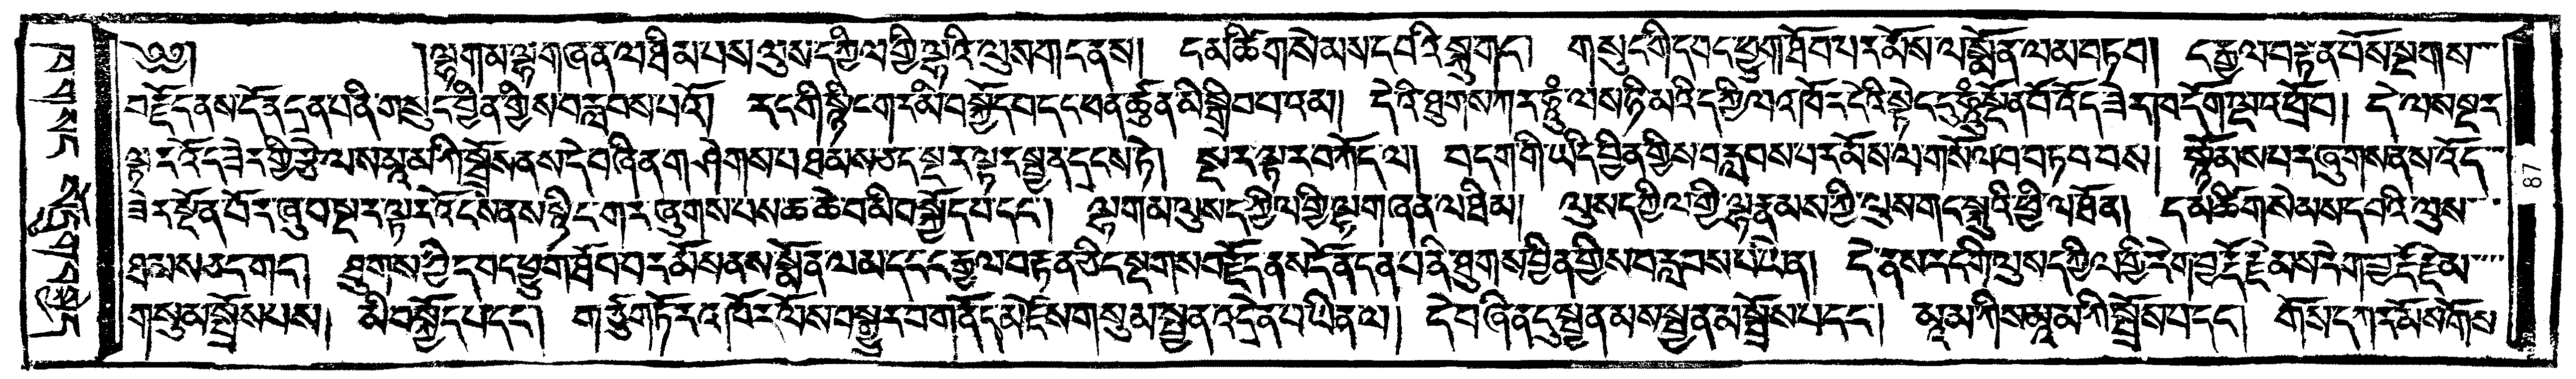༄༅། །ལྷག་མ་ལྷ་གཞན་ལ་ཐིམ་པས་ལུས་དཀྱིལ་གྱི་ལྷའི་ལུས་གང་ནས། དམ་ཚིག་སེམས་དཔའི་སྐུ་གང་། གསུང་གི་དབང་ཕྱུག་ཐོབ་པར་མོས་ལ་སྨོན་ལམ་བཏབ། ང་རྒྱལ་བརྟན་པོས་སྔགས་
བརྗོད་ནས་དོན་དྲན་པ་ནི་གསུང་བྱིན་གྱིས་བརླབས་པའོ། རང་གི་སྙིང་གར་མི་བསྐྱོད་པ་དང་ཕན་ཚུན་མི་སྒྲིབ་པ་འམ། དེའི་ཐུགས་ཀར་ཧཱུཾ་ལས་ཉི་མའི་དཀྱིལ་འཁོར་དེའི་སྟེང་དུ་ཧཱུཾ་སྔོན་པོ་འོད་ཟེར་ཁ་དོག་ལྔ་འཕྲོ་བ། དེ་ལས་སྔར་
ལྟར་འོད་ཟེར་གྱི་རྩེ་ལས་མཱ་མ་ཀི་སྤྲོས་ནས་དེ་བཞིན་གཤེགས་པ་ཐམས་ཅད་སྔར་ལྟར་སྤྱན་དྲངས་ཏེ། སྔར་ལྟར་བཀོད་ལ། བདག་གི་ཡིད་བྱིན་གྱིས་བརླབས་པར་མོས་ལ་གསོལ་བ་བཏབ་བས། སྙོམས་པར་ཞུགས་ནས་འོད་
ཟེར་སྔོན་པོར་ཞུ་བ་སྔར་ལྟར་འོངས་ནས་སྙིང་གར་ཞུགས་པས་ཆ་ཆེ་བ་མི་བསྐྱོད་པ་དང་། ལྷག་མ་ལུས་དཀྱིལ་གྱི་ལྷ་གཞན་ལ་ཐིམ། ལུས་དཀྱིལ་གྱི་ལྷ་རྣམས་ཀྱི་ལུས་གང་སྐུའི་ཕྱི་ལ་ཐོན། དམ་ཚིག་སེམས་དཔའི་ལུས་
ཐམས་ཅད་གང་། ཐུགས་ཀྱི་དབང་ཕྱུག་ཐོབ་པར་མོས་ནས་སྨོན་ལམ་དང་ང་རྒྱལ་བརྟན་ཅིང་སྔགས་བརྗོད་ནས་དོན་དན་པ་ནི་ཐུགས་བྱིན་གྱིས་བརླབས་པ་ཡིན། དེ་ནས་རང་གི་ལུས་དཀྱིལ་གྱི་རེག་བྱ་རྡོ་རྗེ་མས་རེག་བྱ་རྡོ་རྗེ་མ་
གསུམ་སྤྲོས་པས། མི་བསྐྱོད་པ་དང་། གཙུག་ཏོར་འཁོར་ལོས་བསྒྱུར་བ་གནོད་མཛེས་གསུམ་སྤྱན་འདྲེན་པ་ཡིན་ལ། དེ་བཞིན་དུ་སྤྱན་མས་སྤྱན་མ་སྤྲོས་པ་དང་། མཱ་མ་ཀིས་མཱ་མ་ཀི་སྤྲོས་པ་དང་། གོས་དཀར་མོ་སོགས་